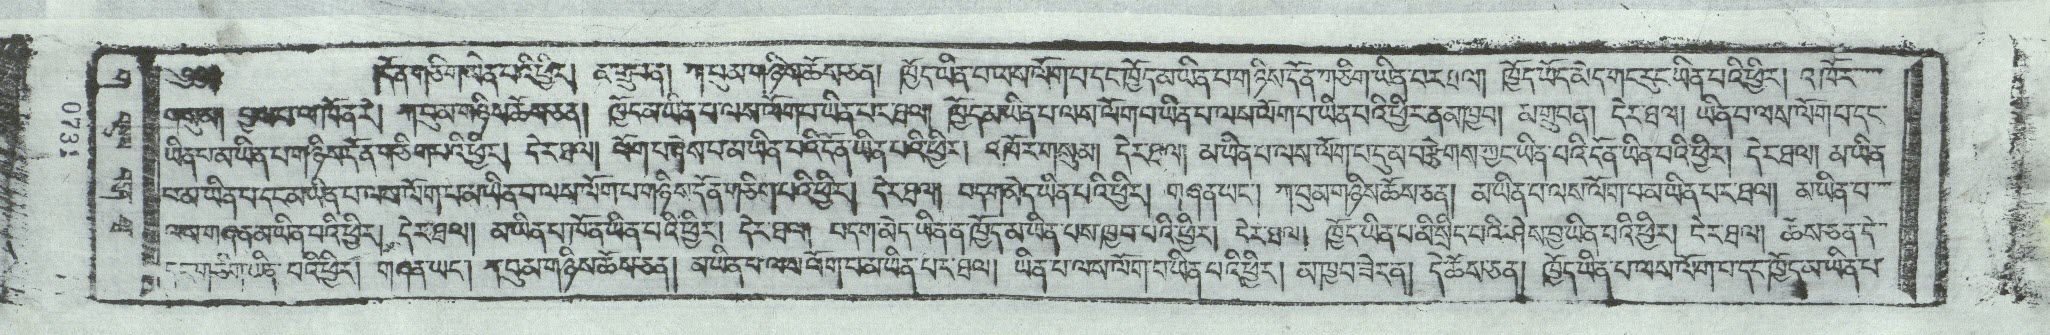༄༅། །དོན་གཅིག་ཡིན་པའི་ཕྱིར། མ་གྲུབ་ན། ཀ་བུམ་གཉིས་ཆོས་ཅན། ཁྱོད་ཡིན་པ་ལས་ལོག་པ་དང་ཁྱོད་མ་ཡིན་པ་གཉིས་དོན་གཅིག་ཡིན་པར་ཐལ། ཁྱོད་ཡོད་མེད་གང་རུང་ཡིན་པའི་ཕྱིར། འཁོར་
གསུམ། བྱས་པ་ལ་ཁོ་ན་རེ། ཀ་བུམ་གཉིས་ཆོས་ཅན། ཁྱོད་མ་ཡིན་པ་ལས་ལོག་པ་ཡིན་པར་ཐལ། ཁྱོད་མ་ཡིན་པ་ལས་ལོག་པ་ཡིན་པ་ལས་ལོག་པ་ཡིན་པའི་ཕྱིར་ན་མ་ཁྱབ། མ་གྲུབ་ན། དེར་ཐལ། ཡིན་པ་ལས་ལོག་པ་དང་
ཡིན་པ་མ་ཡིན་པ་གཉིས་དོན་གཅིག་པའི་ཕྱིར། དེར་ཐལ། ལོག་པ་ཞེས་པ་མ་ཡིན་པའི་དོན་ཡིན་པའི་ཕྱིར། འཁོར་གསུམ། དེར་ཐལ། མ་ཡིན་པ་ལས་ལོག་པ་དུ་མ་བརྩེགས་ཀྱང་ཡིན་པའི་དོན་ཡིན་པའི་ཕྱིར། དེར་ཐལ། མ་ཡིན་
པ་མ་ཡིན་པ་དང་མ་ཡིན་པ་ལས་ལོག་པ་མ་ཡིན་པ་ལས་ལོག་པ་གཉིས་དོན་གཅིག་པའི་ཕྱིར། དེར་ཐལ། བདག་མེད་ཡིན་པའི་ཕྱིར། གཞན་ཡང་། ཀ་བུམ་གཉིས་ཆོས་ཅན། མ་ཡིན་པ་ལས་ལོག་པ་མ་ཡིན་པར་ཐལ། མ་ཡིན་པ་
ལས་གཞན་མ་ཡིན་པའི་ཕྱིར། དེར་ཐལ། མ་ཡིན་པ་ཁོ་ན་ཡིན་པའི་ཕྱིར། དེར་ཐལ། བདག་མེད་ཡིན་ན་ཁྱོད་མ་ཡིན་པས་ཁྱབ་པའི་ཕྱིར། དེར་ཐལ། ཁྱོད་ཡིན་པ་མི་སྲིད་པའི་ཤེས་བྱ་ཡིན་པའི་ཕྱིར། དེར་ཐལ། ཆོས་ཅན་དེ་
དང་གཅིག་ཡིན་པའི་ཕྱིར། གཞན་ཡང་། ཀ་བུམ་གཉིས་ཆོས་ཅན། མ་ཡིན་པ་ལས་ལོག་པ་མ་ཡིན་པར་ཐལ། ཡིན་པ་ལས་ལོག་པ་ཡིན་པའི་ཕྱིར། མ་ཁྱབ་ཟེར་ན། དེ་ཆོག་ཅན། ཁྱོད་ཡིན་པ་ལས་ལོག་པ་དང་ཁྱོད་མ་ཡིན་པ་